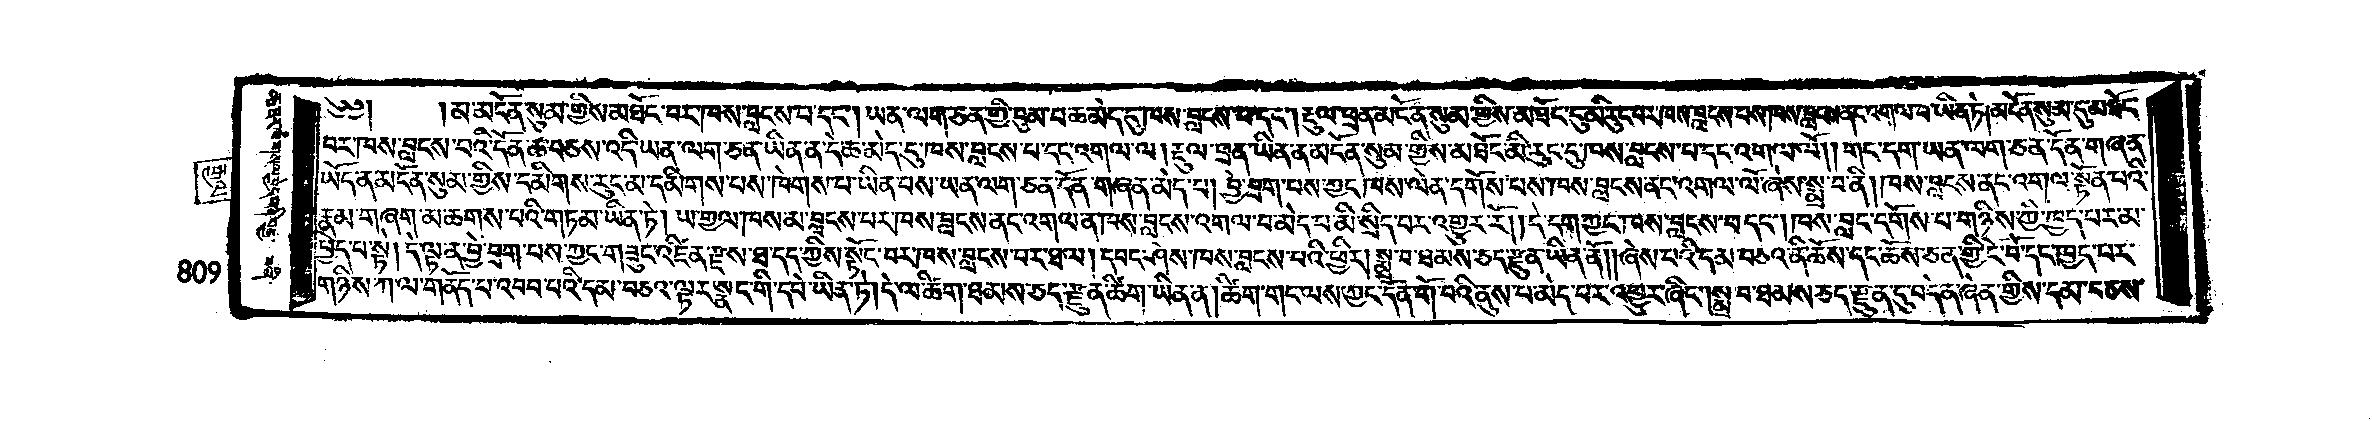༄༅། །མ་མངོན་སུམ་གྱིས་མཐོང་བར་ཁས་བླངས་པ་དང་། ཡན་ལག་ཅན་གྱི་བུམ་པ་ཆ་མེད་དུ་ཁས་བླངས་པ་དང་། རྡུལ་ཕྲན་མངོན་སུམ་གྱིས་མཐོང་དུ་མི་རུང་བར་ཁས་བླངས་པས་ཁས་བླངས་ནང་འགལ་བ་ཡིན་ཏེ། མངོན་སུམ་དུ་མཐོང་
བར་ཁས་བླངས་པའི་དོན་ཆ་བཅས་འདི་ཡན་ལག་ཅན་ཡིན་ན་དེ་ཆ་མེད་དུ་ཁས་བླངས་པ་དང་འགལ་ལ། རྡུལ་ཕྲན་ཡིན་ན་མངོན་སུམ་གྱིས་མཐོང་མི་རུང་དུ་ཁས་བླངས་པ་དང་འགལ་ལོ། །གང་དག་ཡན་ལག་ཅན་དོན་གཞན་
ཡོད་ན་མངོན་སུམ་གྱིས་དམིགས་རུང་མ་དམིགས་པས་ཁེགས་པ་ཡིན་པས་ཡན་ལག་ཅན་དོན་གཞན་མེད་པ། བྱེ་བྲག་པས་ཀྱང་ཁས་ལེན་དགོས་པས་ཁས་བླངས་ནང་འགལ་ལོ་ཞེས་སྨྲ་བ་ནི། ཁས་བླངས་ནང་འགལ་སྟོན་པའི་
རྣམ་གཞག་མ་ཆོགས་པའི་གཏམ་ཡིན་ཏེ། ཡ་གྱལ་ཁས་མ་བླངས་པར་ཁས་བླངས་ནང་འགལ་ན་ཁས་བླངས་འགལ་བ་མེད་པ་མི་སྲིད་པར་འགྱུར་རོ། །དེ་དག་ཀྱང་ཁས་བླངས་པ་དང་། ཁས་བླང་དགོས་པ་གཉིས་ཀྱི་ཁྱད་པར་མ་
ཕྱེད་པ་སྟེ། དེ་ལྟ་ན་བྱེ་བྲག་པས་ཀྱང་གཟུང་འཛིན་རྫས་ཐ་དད་ཀྱིས་སྟོང་པར་ཁས་བླངས་པར་ཐལ། དབང་ཤེས་ཁས་བླངས་པའི་ཕྱིར། སྨྲ་བ་ཐམས་ཅད་རྫུན་ཡིན་ནོ། །ཞེས་པའི་དམ་བཅའ་ནི་ཆོས་དང་ཆོས་ཅན་གྱི་ངོ་བོ་དང་ཁྱད་པ་
གཉིས་ཀ་ལ་གནོད་པ་འབབ་པའི་དམ་བཅའ་ལྟར་སྣང་གི་དཔེ་ཡིན་ཏེ། དེ་ལ་ཚིག་ཐམས་ཅད་རྫུན་ཚིག་ཡིན་ན། ཚིག་གང་ལས་ཀྱང་དོན་གོ་བའི་ནུས་པ་མེད་པར་འགྱུར་ཞིང་། སྨ་བ་ཐམས་ཅད་རྫུན་དུ་བདེན་ཞེན་གྱིས་དམ་བཅས་